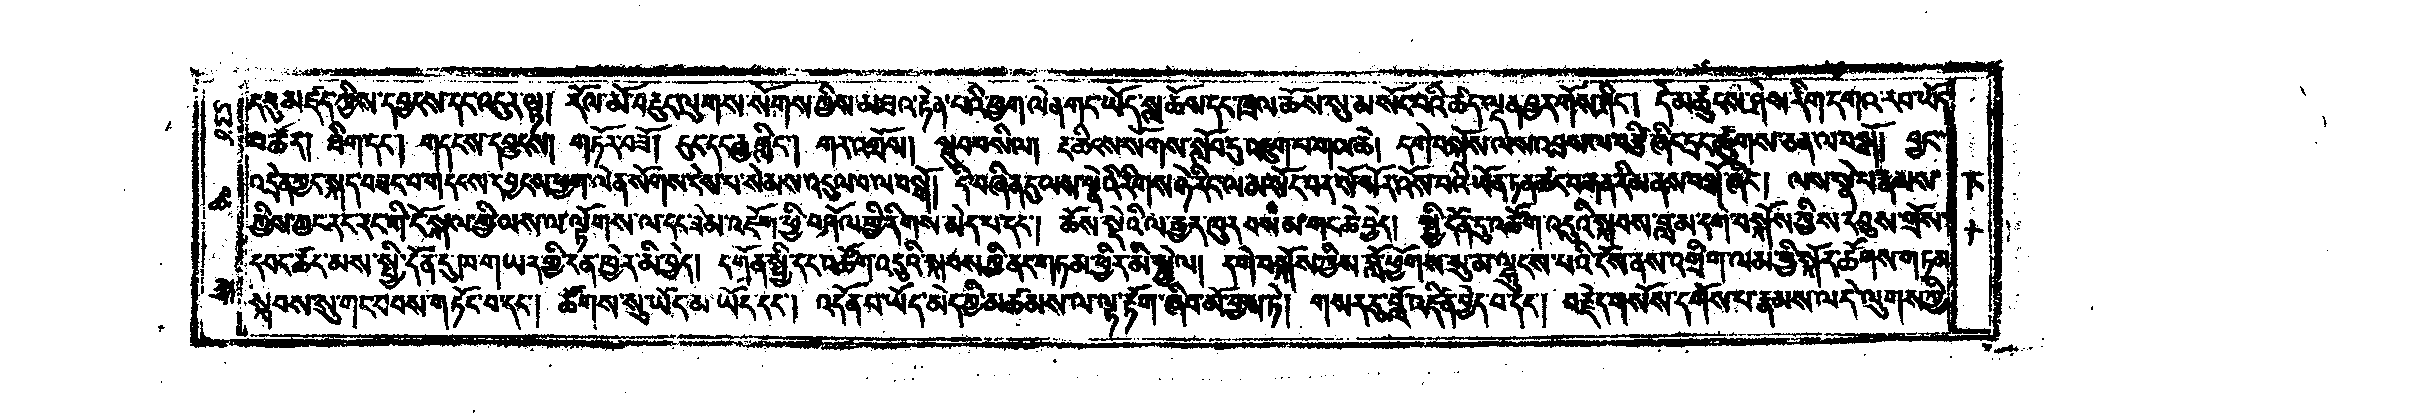དབུ་མཛད་ཀྱིས་དབྱངས་དང་འདུར་ལྟ། རོལ་མོ་བརྡུང་ལུགས་སོགས་ཀྱིས་མཐའ་རྟེན་པའི་ཕྱག་ལེན་གང་ཡོད་སླ་ཆོས་དང་ཁྲལ་ཆོས་སུ་མ་སོང་བའི་ཚད་ལྡན་བྱ་དགོས་ཤིང་། དེ་མཚུངས་ཤེས་རིག་དགའ་རབ་ཡོད་
པ་ཚོར། ཐིག་དང་། གདངས་དབྱངས། གཏོར་བཟོ། དུང་དང་རྒྱ་གླིང་། གར་འགྲོས། སྦུབ་བསིལ། རྔ་ཆིངས་སོགས་སློབ་ཏུ་འཇུག་པ་གལ་ཆེ། དགེ་བསྐོས་ལས་འབྲས་ལ་བརྩི་ཞིང་དྲང་ཚུགས་ཅན་ལ་བསྒོ། བྱང་
འདྲེན་ཀྱང་སྐད་བཟང་བ་གདངས་དབྱངས་ཕྱག་ལེན་སོགས་ངེས་པ་སེམས་འདུལ་བ་ལ་བསྒོ། དེ་བཞིན་དུ་ལས་སྣེའི་རིགས་ཉེ་རིང་ལ་མ་སོང་བར་སོ་སོར་འོས་པའི་ཡོན་ཏན་ཚང་བ་རྒན་རིམ་ནས་བསྒོ་ཞིང་། ལས་སྣེ་པ་རྣམས་
ཀྱིས་ཀྱང་རང་རང་གི་ངོ་སྐལ་གྱི་ལས་ལ་ལྟོགས་ལ་དང་ཟེམ་འཇོག་ཕྱི་བཤོལ་གྱི་རིགས་མེད་པ་དང་། ཆོས་སྡེའི་ལ་རྒྱར་ཁུར་བསམ་གང་ཆེ་བྱེད། སྤྱི་དོན་དུ་འཚོག་འདུའི་སྐབས་བླ་མ་དགེ་བསྐོས་ཀྱིས་དབུས་གྲོས་
དབང་ཚང་མས་སྤྱི་དོན་དུ་ཁ་གཡར་གྱི་ངན་ཁྱེར་མི་བྱེད། དགོན་སྤྱི་དང་འཚོག་འདུའི་སྐབས་ཀྱི་ནང་གཏམ་ཕྱིར་མི་སྐྱེལ། དགེ་བསྐོས་ཀྱིས་བློ་ཕྱོགས་སུ་མ་ལྷུངས་པའི་ངོས་ནས་འགྲིག་ལམ་གྱི་སྐོར་ཚོགས་གཏམ་
སྐབས་སུ་གང་བབས་གཏོང་བ་དང་། ཚོགས་སུ་ཡོང་མ་ཡོང་དང་། འདོན་པ་ཡོད་མེད་ཀྱི་མཚམས་ལ་ལྟ་རྟོག་ཞིབ་མོ་བྱས་ཏེ། གསར་དུ་བློ་འཛིན་བྱེད་པ་དང་། བརྗེད་གསོས་དགོས་པ་རྣམས་ལ་དེ་ལུགས་ཀྱི་